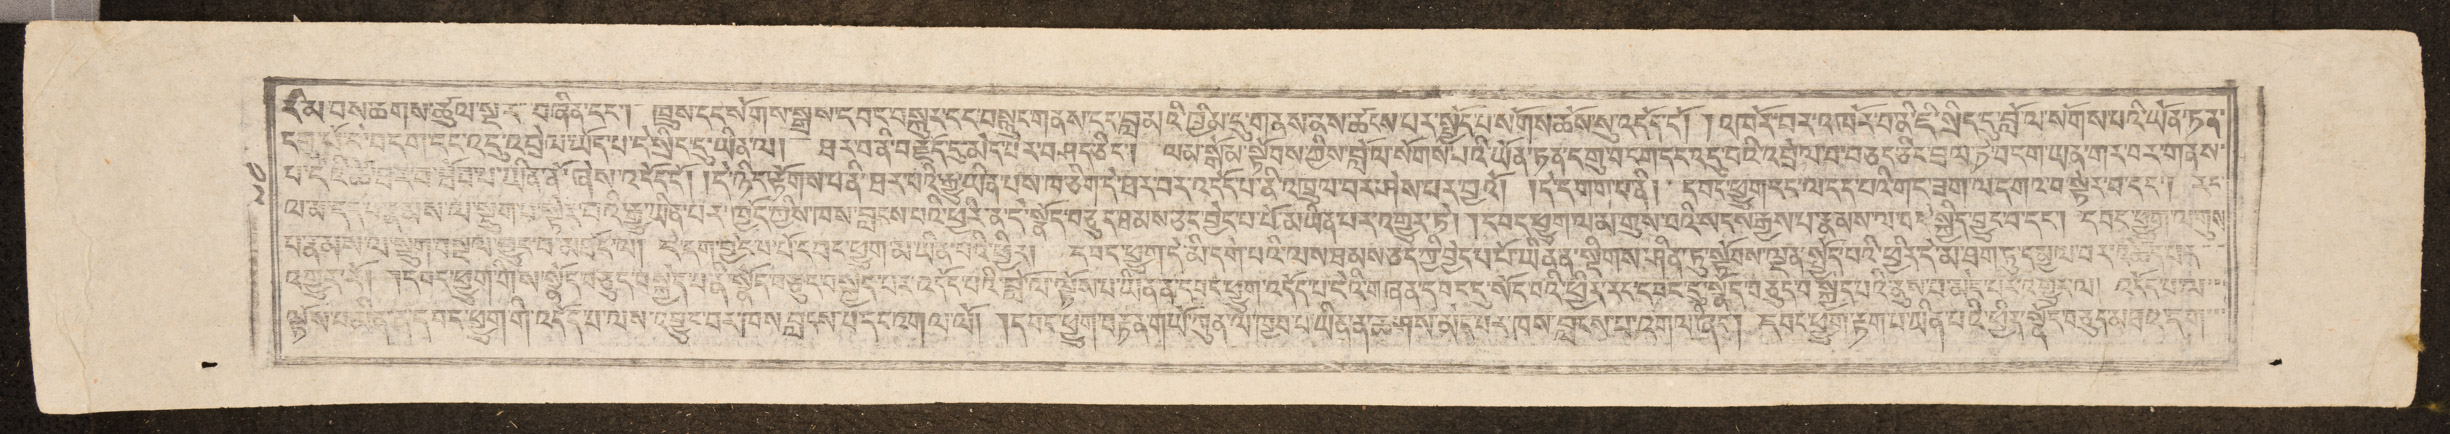རིམ་པས་ཆགས་ཚུལ་སྔར་བཞིན་དང་། ཁྲུས་དང་སོགས་སྒྲས་དབང་བསྐུར་དང་བསྙུང་གནས་དང་བླ་མའི་ཁྱིམ་དུ་གནས་ནས་ཚངས་པར་སྤྱོད་པ་སོགས་ཆོས་སུ་འདོད་དོ། །འཁོར་བར་འཁོར་བ་ནི་ཇི་སྲིད་དུ་བློ་ལ་སོགས་པའི་ཡོན་ཏན་
དགུ་པོ་དེ་བདག་དང་འདུ་འབྲེལ་ཡོད་པ་དེ་སྲིད་དུ་ཡིན་ལ། ཐར་བ་ནི་བརྗོད་དུ་མེད་པར་བཤད་ཅིང་། ལམ་སྒོམ་སྟོབས་ཀྱིས་བློ་ལ་སོགས་པའི་ཡོན་ཏན་དགུ་བདག་དང་འདུ་བའི་འབྲེལ་བ་བཅད་ཅིང་བྲལ་ཏེ་བདག་ཡན་གར་བར་གནས་
པ་དེའི་ཚེ་ཐར་པ་ཐོབ་པ་ཡིན་ནོ་ཞེས་འདོད་དོ། །དེ་ཉིད་རྟོགས་པ་ནི་ཐར་བའི་རྒྱུ་ཡིན་པས་ཁ་ཅིག་དེ་ཐར་བར་འདོད་པ་ནི་འཁྲུལ་བར་ཤེས་པར་བྱའོ། །དེ་དགག་པ་ནི། དབང་ཕྱུག་རང་ལ་དད་པའི་གང་ཟག་ལ་དགའ་བ་སྟེར་བ་དང་། རང་
ལ་མ་དད་པ་རྣམས་ལ་སྡུག་པ་སྟེར་བའི་རྒྱུ་ཡིན་པར་ཁྱོད་ཀྱིས་ཁས་བླངས་པའི་ཕྱིར་ན་དེ་སྣོད་བཅུད་ཐམས་ཅད་བྱེད་པ་པོ་མ་ཡིན་པར་འགྱུར་ཏེ། །དབང་ཕྱུག་ལ་མ་གུས་པའི་སངས་རྒྱས་པ་རྣམས་ལ་བདེ་སྐྱིད་བྱུང་བ་དང་། དབང་ཕྱུག་ལ་གུས་
པ་རྣམས་ལ་སྡུག་བསྔལ་བྱུང་བ་མཐོང་ལ། དེ་དག་བྱེད་པ་པོ་དབང་ཕྱུག་མ་ཡིན་པའི་ཕྱིར། དབང་ཕྱུག་དེ་མི་དགེ་བའི་ལས་ཐམས་ཅད་ཀྱི་བྱེད་པ་པོ་ཡིན་ན་སྡིགས་ཤིན་ཏུ་སྟོབས་ལྡན་སྤྱོད་པའི་ཕྱིར་དེ་མ་ཐག་ཏུ་དམྱལ་བར་འཚེད་པར་
འགྱུར་རོ། །དབང་ཕྱུག་གིས་སྣོད་བཅུད་བསྐྱེད་པ་ནི་སྣོད་བཅུད་བསྐྱེད་པར་འདོད་པའི་བློ་ལ་ལྟོས་པ་ཡིན་ན་དབང་ཕྱུག་འདོད་པ་དེའི་གཞན་དབང་དུ་སོང་བའི་ཕྱིར་རང་དབང་དུ་སྣོད་བཅུད་བསྐྱེད་པའི་ནུས་པ་མེད་པར་འགྱུར་ལ། འདོད་པ་ལ་
ལྟོས་པ་མིན་ན་དབང་ཕྱུག་གི་འདོད་པ་ལས་འབྱུང་བར་ཁས་བླང་སྤ་དང་འགལ་ལོ། །དབང་ཕྱུག་བརྟེན་གཡོ་ཀུན་ལ་ཁྱབ་པ་ཡིན་ན་ཆ་ཤས་མེད་པར་ཁས་བླངས་པ་འགལ་ཞིང་། དབང་ཕྱུག་རྟག་པ་ཡིན་པའི་ཕྱིར་སྣོད་བཅུད་མཐའ་དག་